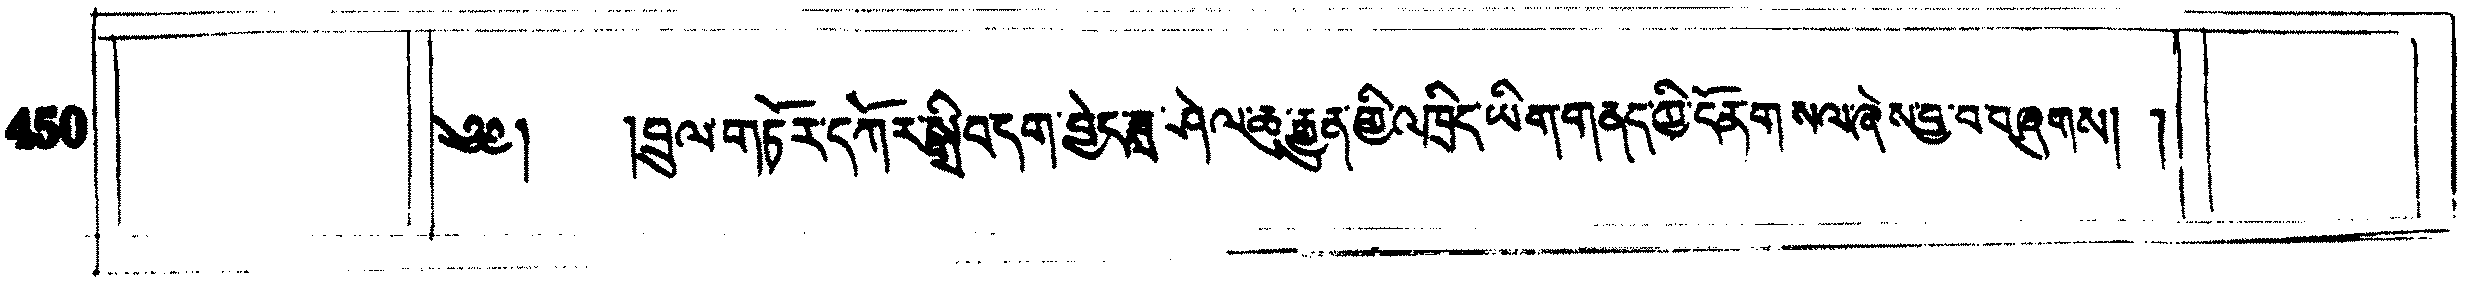༄༅། །བྲུལ་གཏོར་དཀོར་སྒྲིབ་དག་བྱེད་ཟླ་ཤེལ་ཆུ་རྒྱུན་གྱི་འཁྲིད་ཡིག་གནད་ཀྱི་དོན་གསལ་ཞེས་བྱ་བ་བཞུགས། །